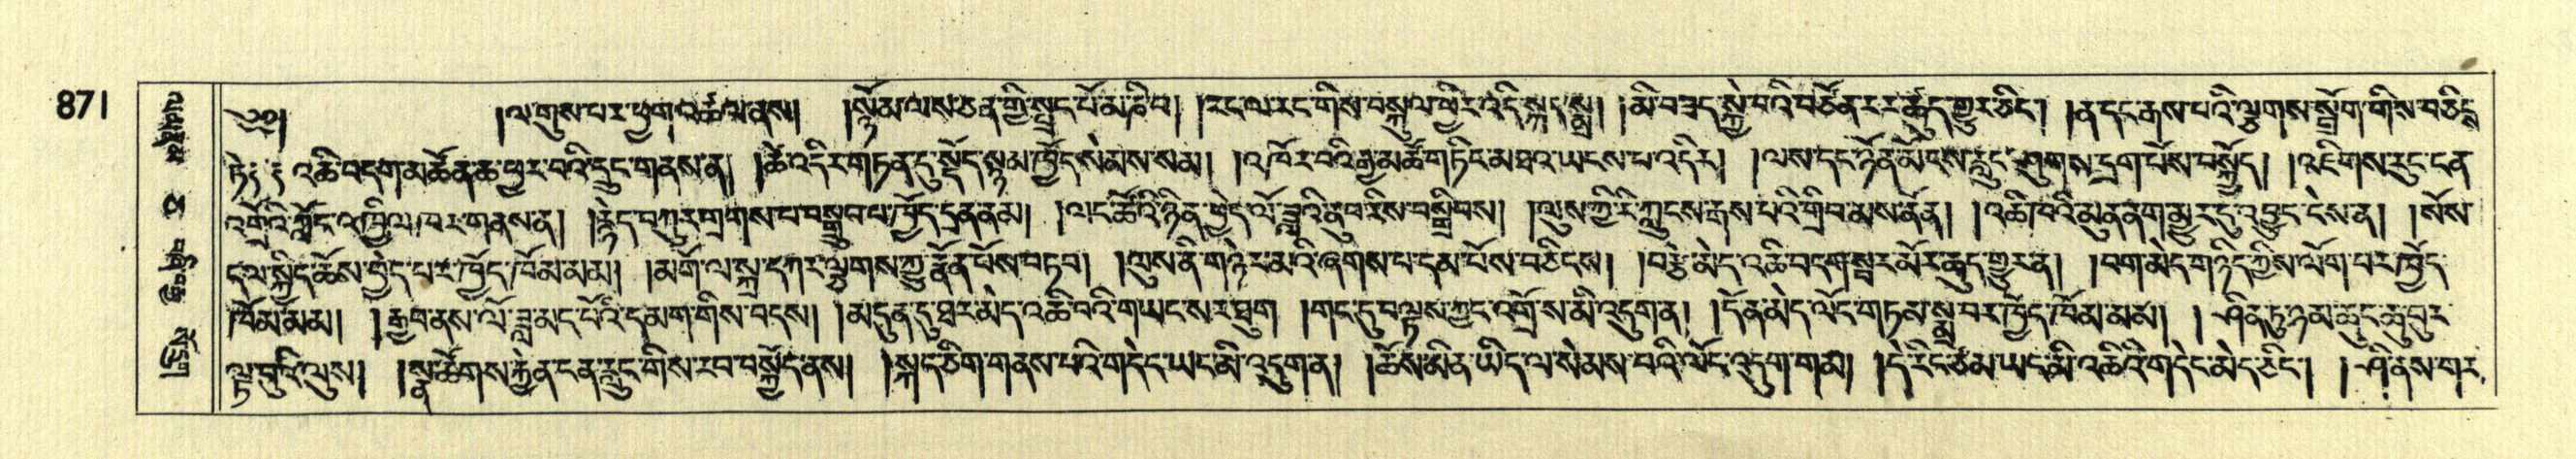༄༅། །ལ་གུས་པར་ཕྱག་འཚལ་ནས། །སྙོམ་ལས་ཅན་གྱི་སྤྲང་པོ་མ་ཎི་བ། །རང་ལ་རང་གིས་བསྐུལ་ཕྱིར་འདི་སྐད་སྨྲ། །མི་བཟད་སྐྱེ་བའི་བཙོན་རར་ཚུད་གྱུར་ཅིང་། །ན་དང་རྒས་པའི་ལྕགས་སྒྲོག་གིས་བཅིངས་
ཏེ༑ ༑འཆི་བདག་མཚོན་ཆ་ཕྱར་བའི་དྲུང་གནས་ན། །ཚེ་འདིར་གཏན་དུ་སྡོད་སྙམ་ཁྱོད་སེམས་སམ། །འཁོར་བའི་རྒྱ་མཚོ་གཏིང་མཐའ་ཡངས་པ་འདིར། །ལས་དང་ཉོན་མོངས་རླུང་ཤུགས་དྲག་པོས་བསྐྱོད། །འཇིགས་རུང་ངན་
འགྲོའི་ཀློང་འཁྱིལ་ཁར་གནས་ན། །རྙེད་བཀུར་གྲགས་པ་བསྒྲུབ་པ་ཁྱོད་དྲན་ནམ། །ལང་ཚོའི་ཉིན་ཕྱེད་ལོ་ཟླའི་ནུབ་རིས་བསྒྲིབས། །ལུས་ཀྱི་རི་ཀླུངས་རྒས་པའི་གྲིབ་མས་ནོན། །འཆི་ཁའི་མུན་ནག་མྱུར་དུ་འབྱུང་ངེས་ན། །སོས་
དལ་སྐྱིད་ཆོས་བྱེད་པར་ཁྱོད་ཁོམ་མམ། །མགོ་ལ་སྐྲ་དཀར་ལྕགས་ཀྱུ་རྣོན་པོས་བཏབ། །ལུས་ནི་གཉེར་མའི་ཞགས་པ་དམ་པོས་བཅིངས། །བརྩེ་མེད་འཆི་བདག་སྦར་མོར་ཆུད་གྱུར་ན། །བག་མེད་གཉིད་ཀྱིས་ལོག་པར་ཁྱོད་
ཁོམ་མམ། །རྒྱབ་ནས་ལོ་ཟླ་མང་པོའི་དམག་གིས་བདས། །མདུན་དུ་ཐར་མེད་འཆི་བའི་གཡངས་སར་ཐུག །གང་དུ་བལྟས་ཀྱང་འགྲོ་ས་མི་འདུག་ན། །དོན་མེད་ལོང་གཏམ་སྨྲ་བར་ཁྱོད་ཁོམ་མམ། །ཤིན་ཏུ་ཉམ་ཆུང་ཆུ་བུར་
ལྟ་བུའི་ལུས། །སྣ་ཚོགས་རྐྱེན་ངན་རླུང་གིས་རབ་བསྐྱོད་ནས། །སྐད་ཅིག་གནས་པའི་གདེང་ཡང་མི་འདུག་ན། །ཆོས་མིན་ཡིད་ལ་སེམས་པའི་ལོང་འདུག་གམ། །དེ་རིང་ཙམ་ཡང་མི་འཆིའི་གདེང་མེད་ཅིང་། །ཤི་ནས་གར་